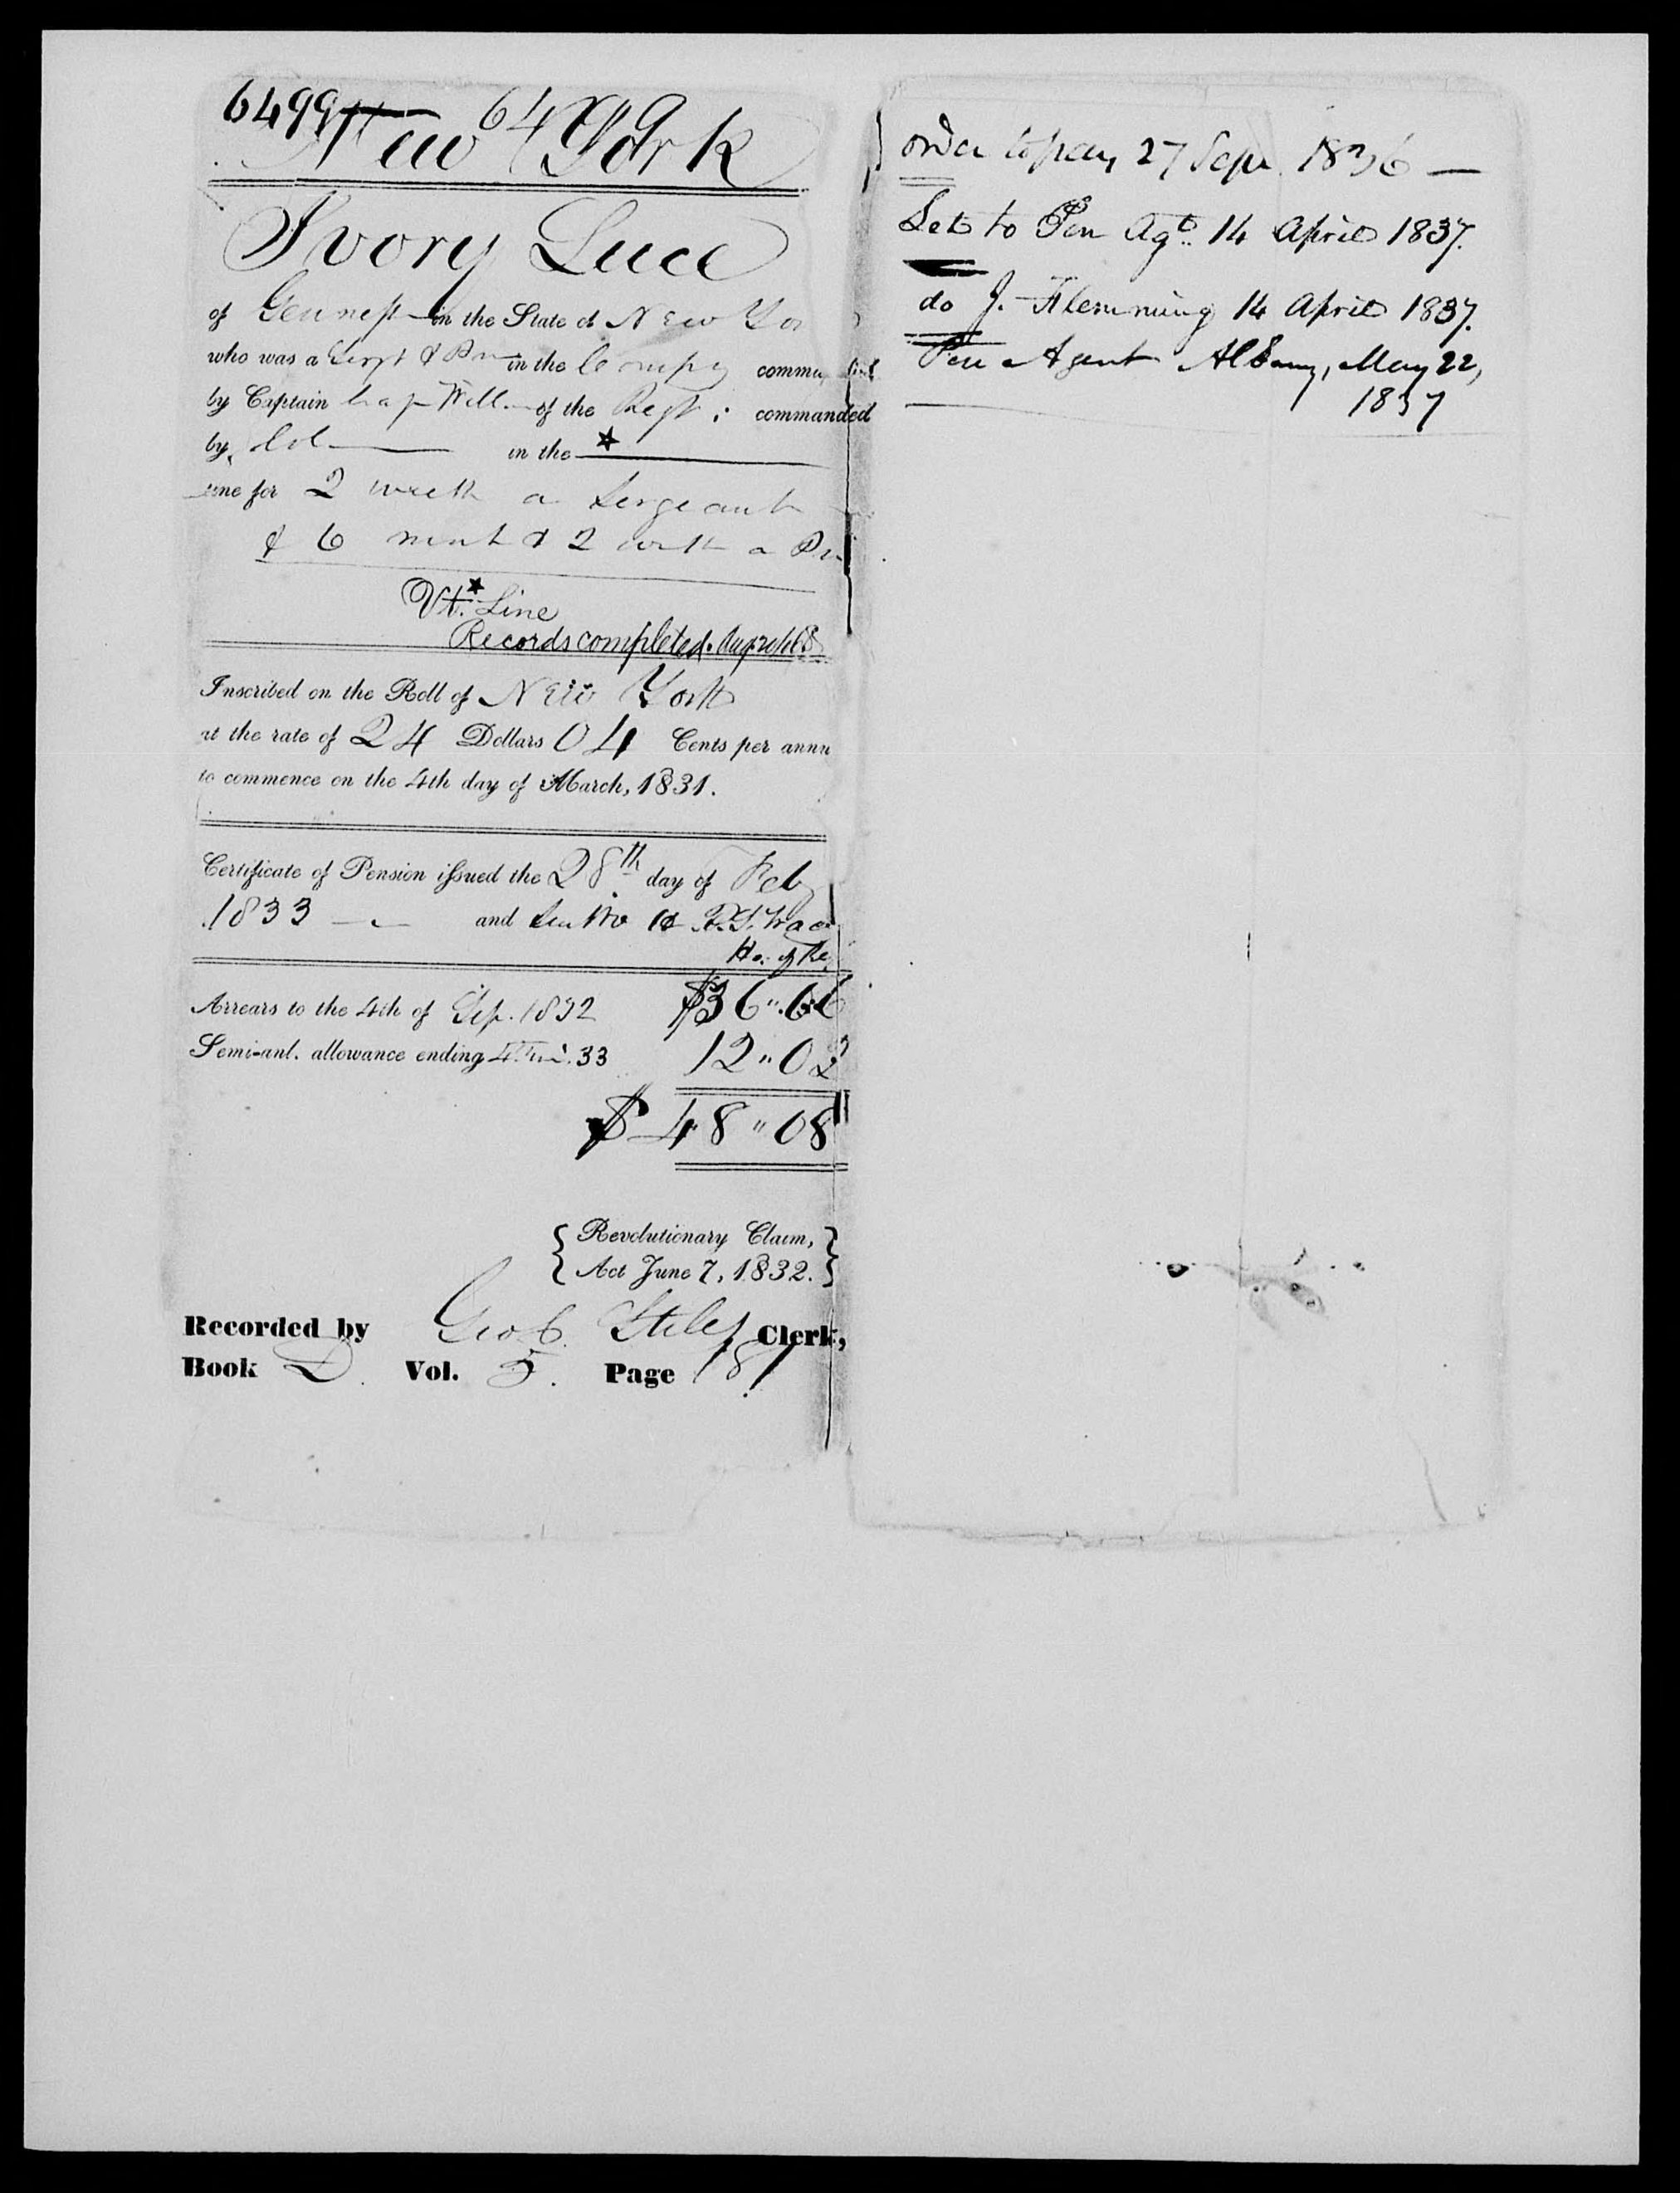6499
New York
Ivory Luce
of Genesee in the State of New York who was a Sergt & Pri in the Compy commanded by Captain Cap Williams of the Regt. commanded by Col____  in the ____ and for 2 weeks a Sergeant & 6 months & 2 weeks a private

Vt. Line

Records completed.  Aug. 20  [illegible]

Inscribed on the Roll of New York at the rate of 24 Dollars 04 Cents per annum to commence on the 4th day of March, 1831.

Certificate of Pension issued the 28th day of Feby
1833 and Sent to R.J. Wade Ho of Rep

Arrears to the 4th of Sep. 1832    $36.66
Semi-anl. allowance ending 4th Aug '33   $12.02
$48.08

{Revolutionary Claim, Act June 7, 1832.}
Recorded by Geo C. Stiles Clerk,
Book D.  Vol. 5.  Page 181

Once to pay 27 Sept 1836
Set to Pen Agt 14 April 1837
do J. Flemming 14 April 1837
Per Agent Albany, May 22, 1837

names: J Flemming; Ivory Luce; Geo C Stiles; P S Tracy; Cay Williams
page: 44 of 70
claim: rejected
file: R. 6510, for Israel Luce, New York